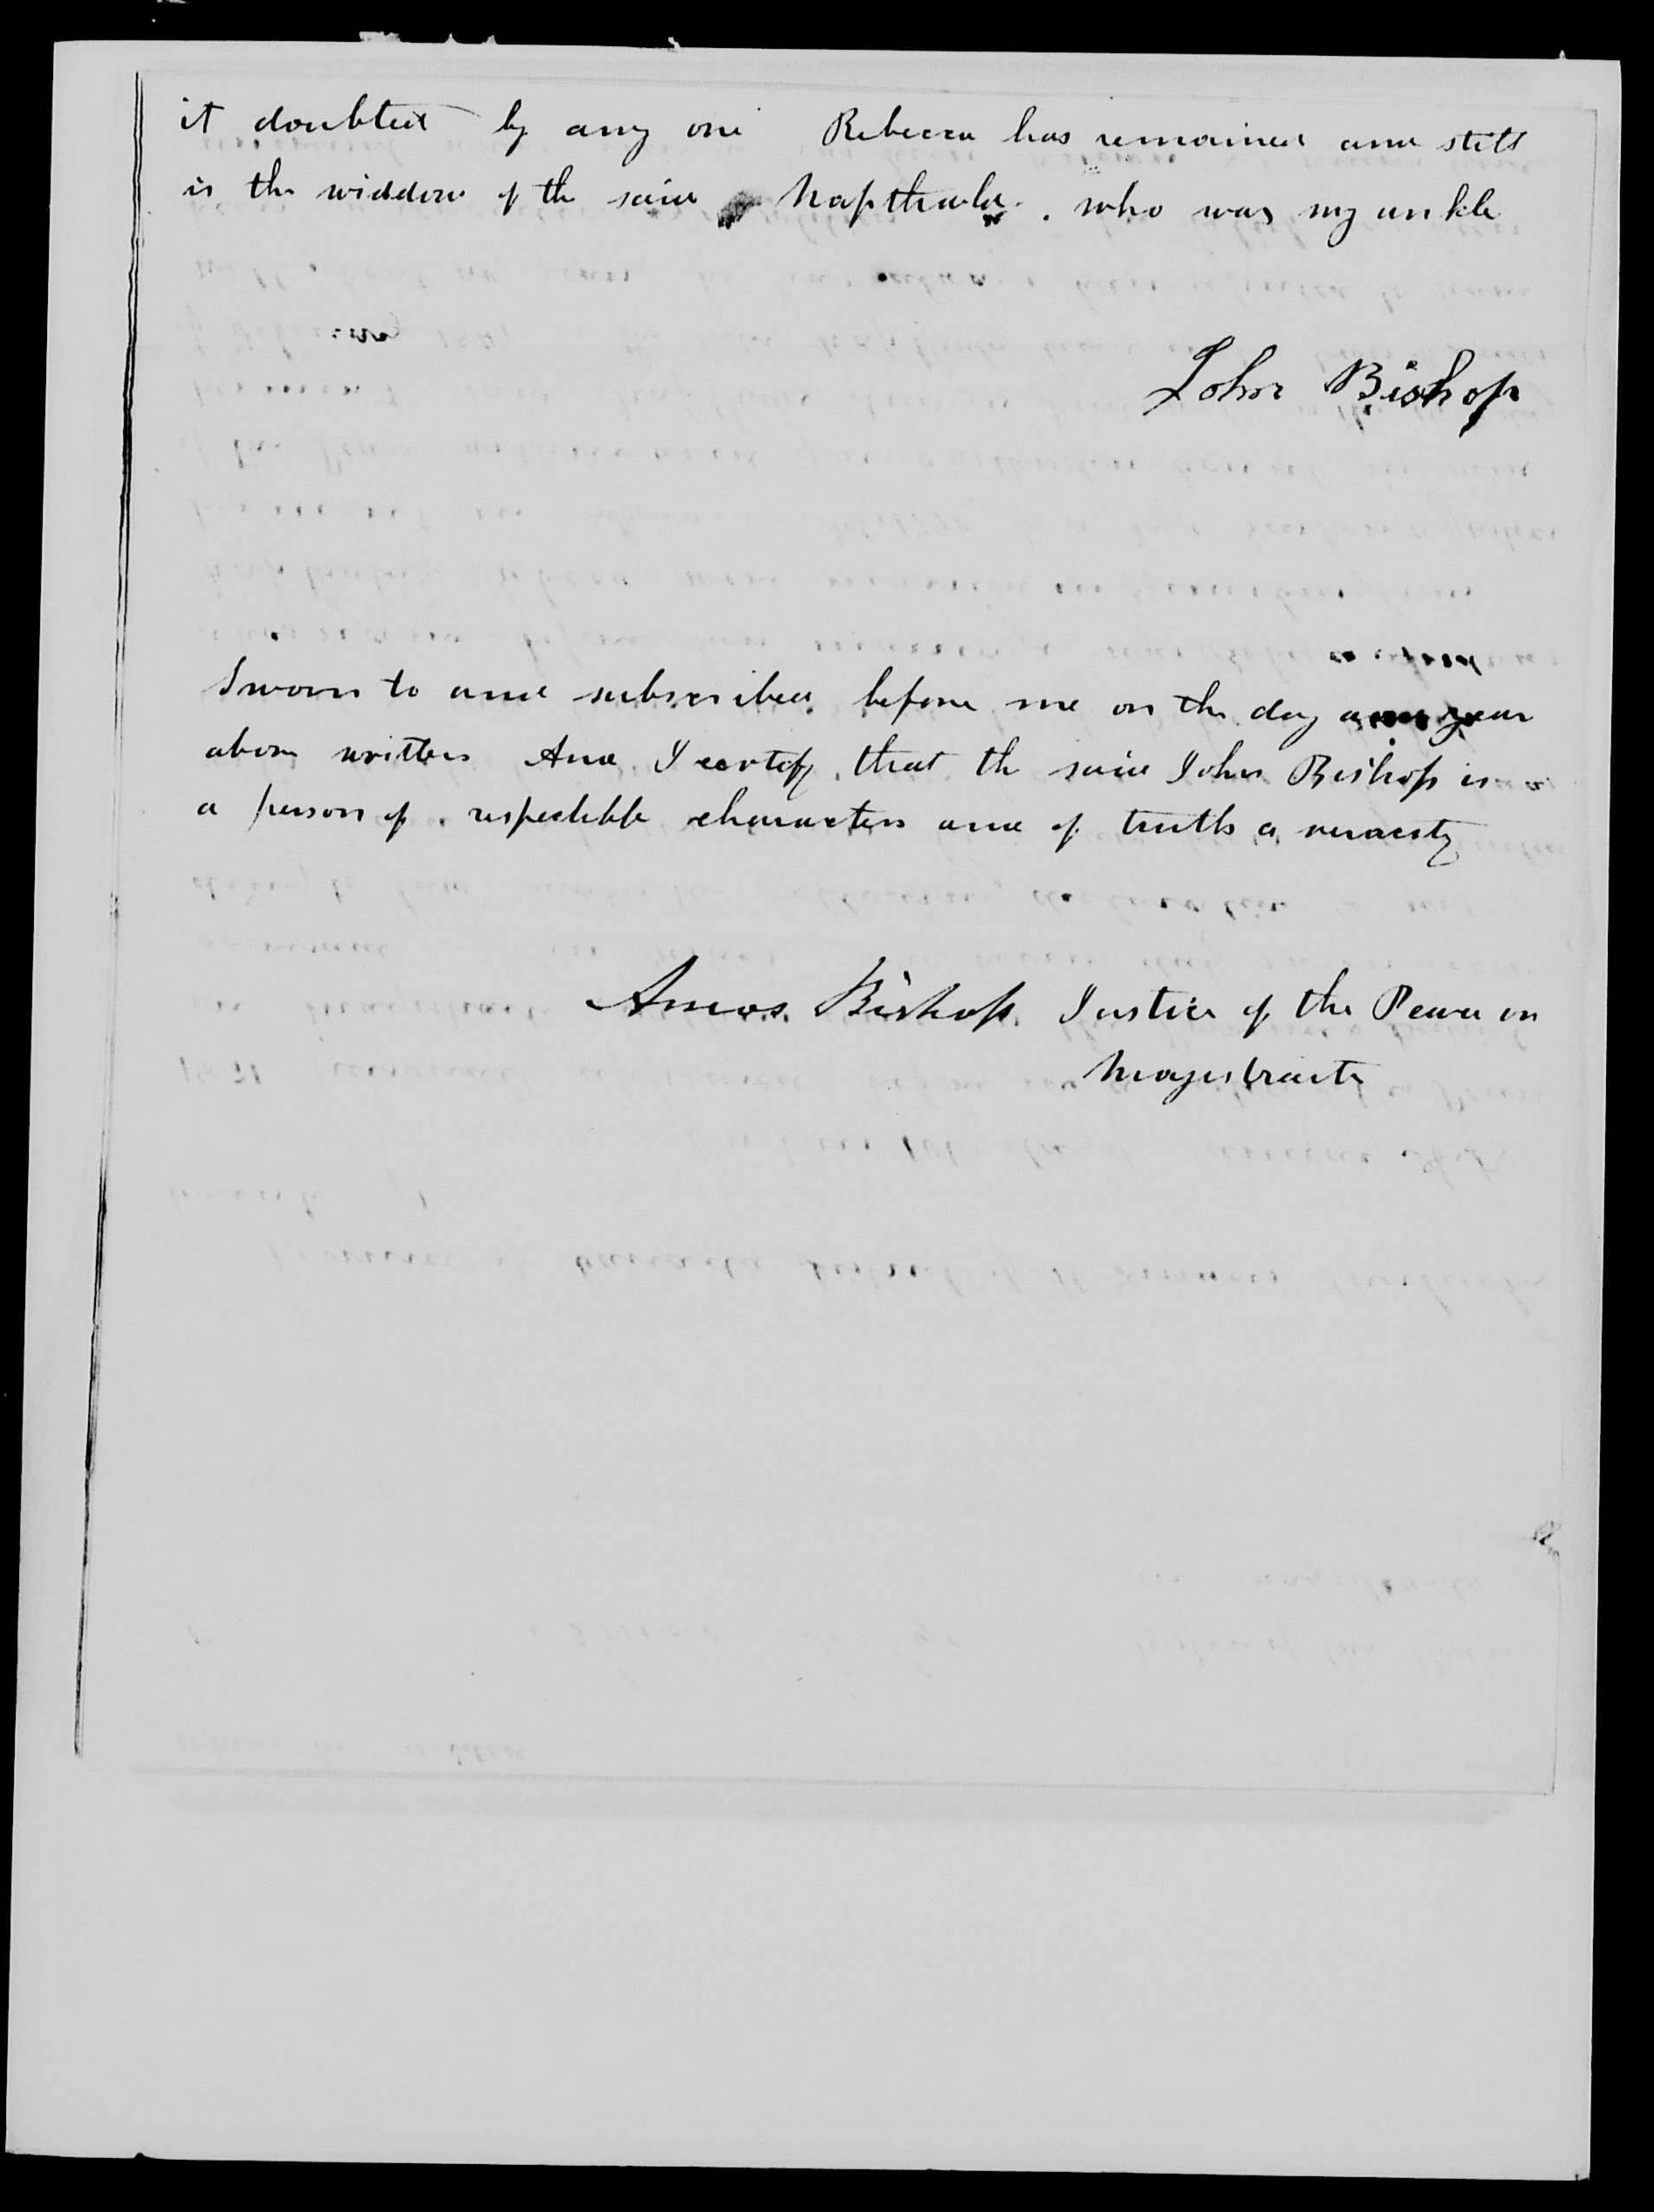it doubted by any one Rebecca has remained and still is the widow of the said Napthala who was my unkle 
/s/John Bishop

Sworn to and subscribed before me on the day and year above written And I certify that the said John Bishop is a person of respectable character and of truth & veracity
/s/Amos Bishop Justice of the Peace and Magistraite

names: Amos Bishop, John Bishop, Rebecca, John Bishop, Napthala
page: 25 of 27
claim: rejected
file: R. 865, Napthala Bishop, Vt.